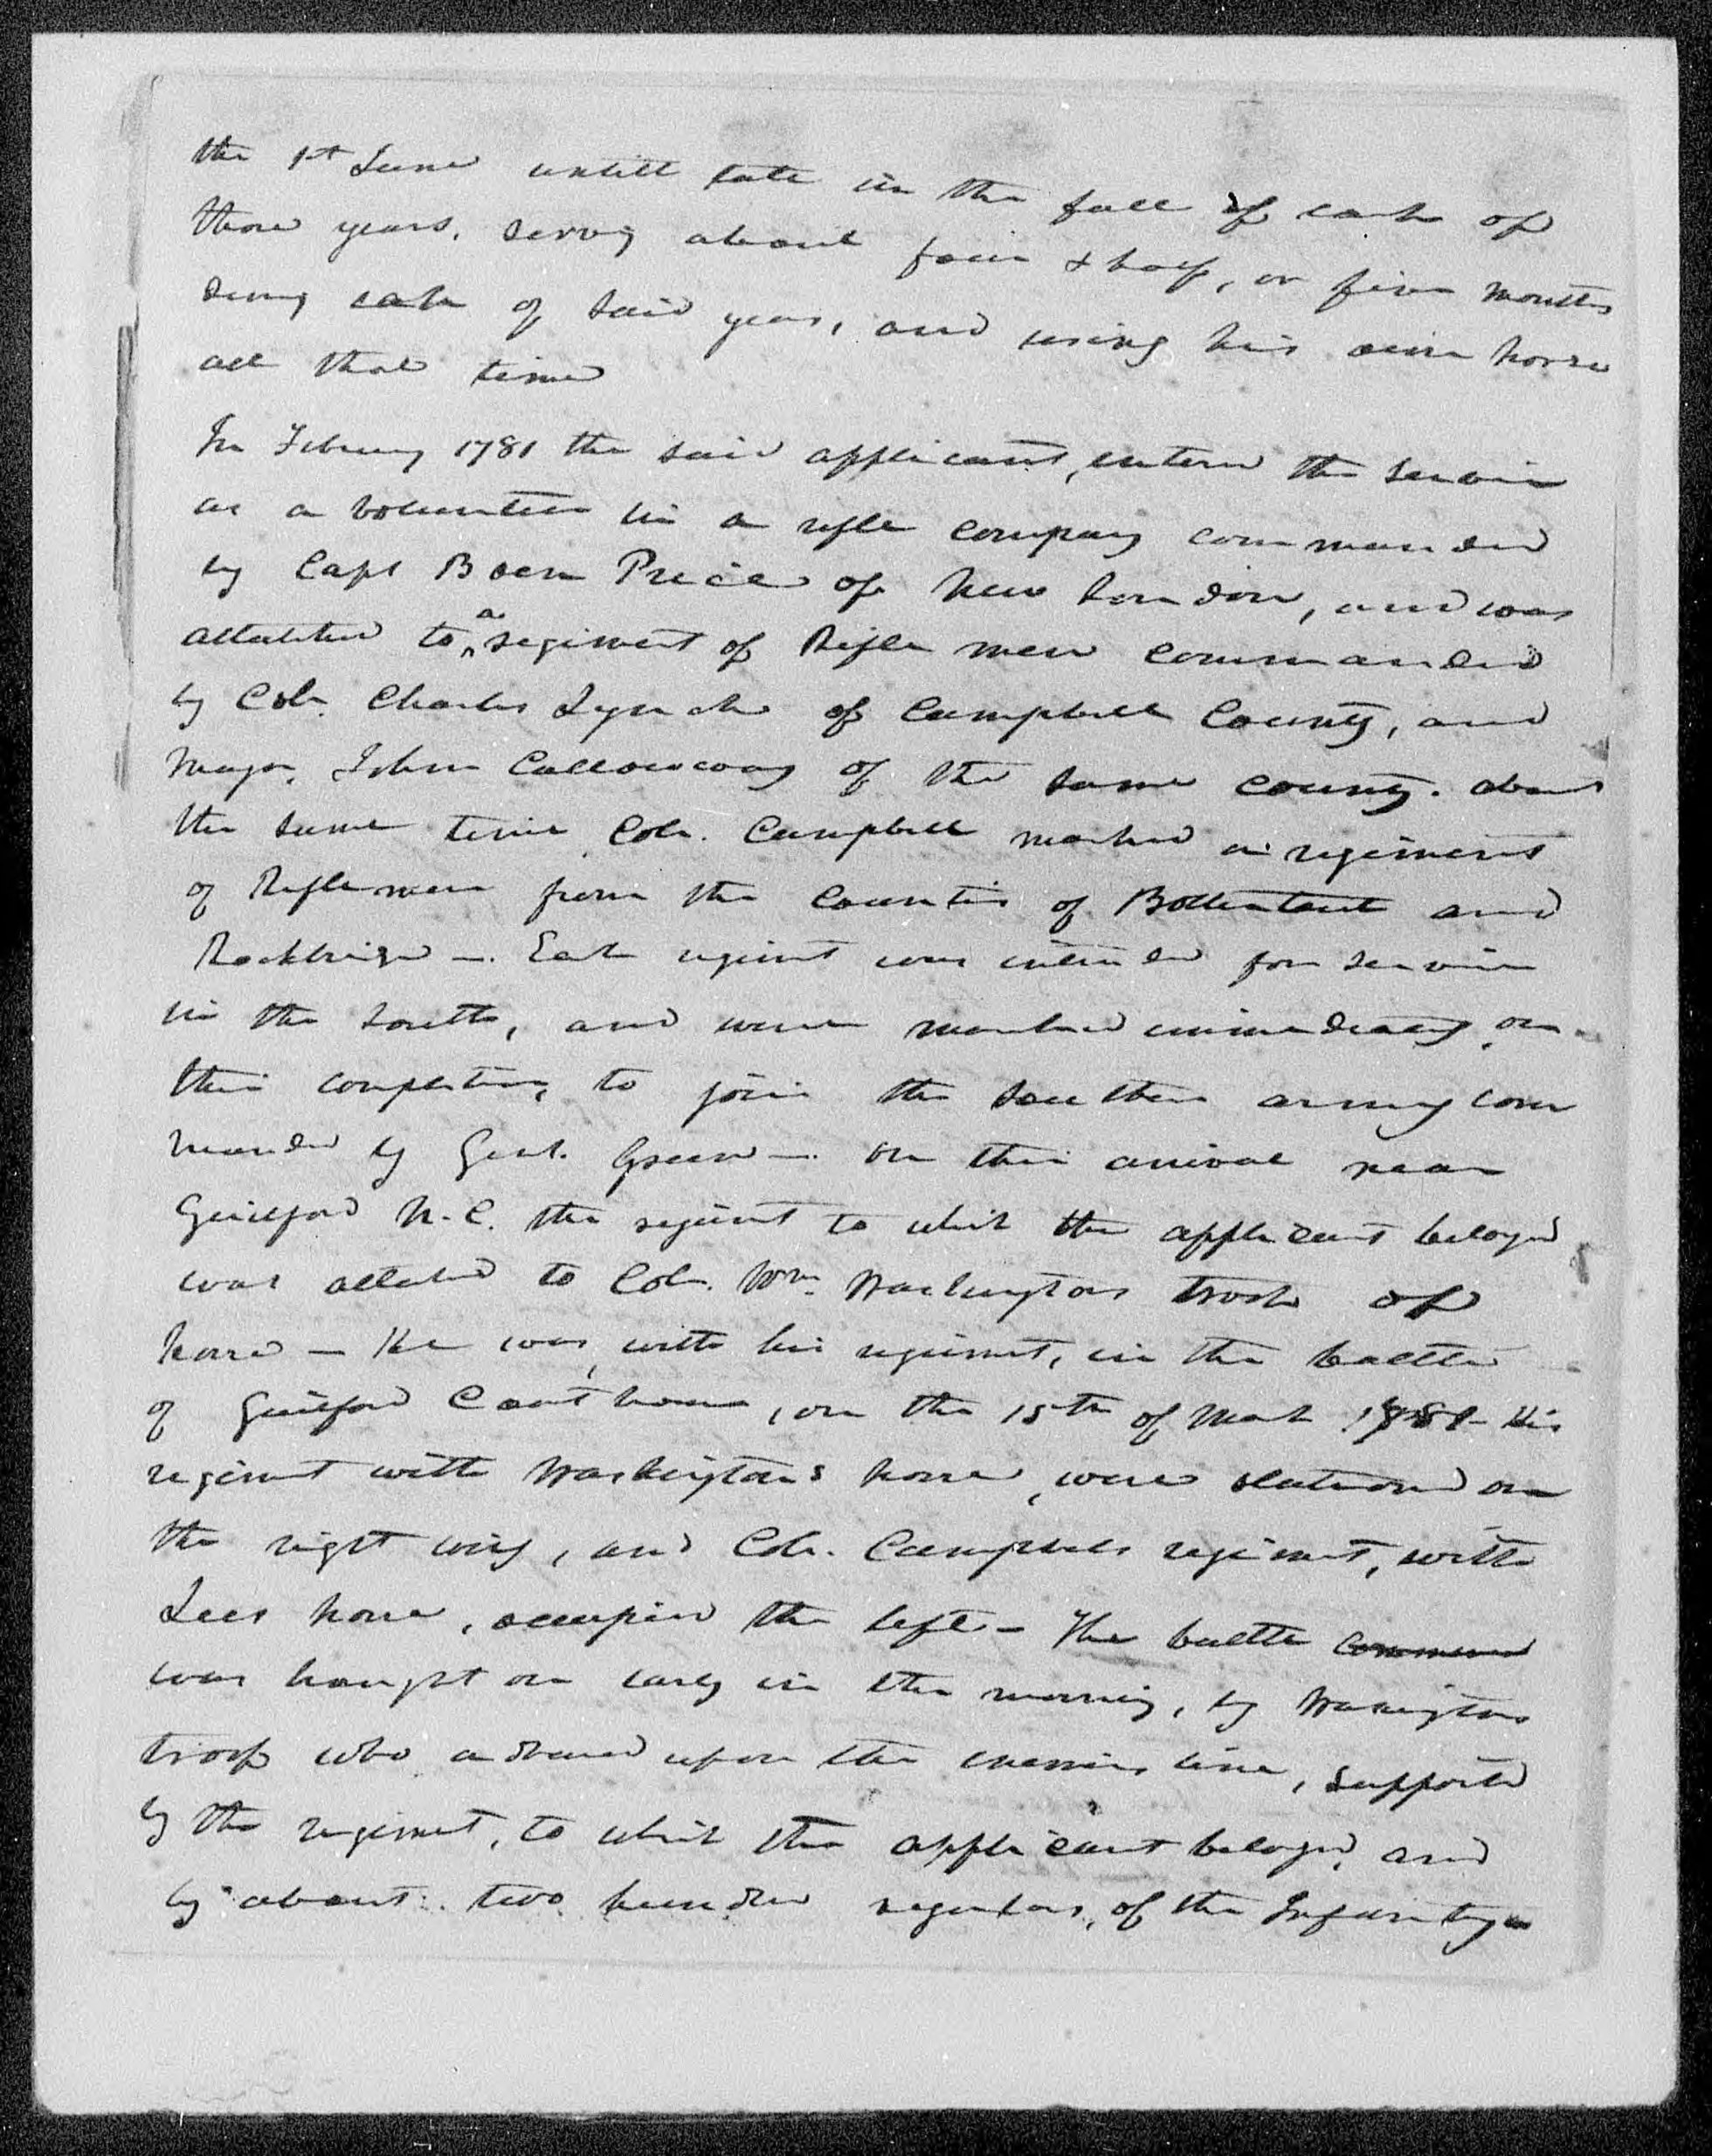the 1st June untill late in the fall of each of those years served about four & half, or five months in case of said year, and using his own horse all that time      
In February 1781 the said applicant enter the service as a volunteer in a rifle company commanded by Capt Boon Price of New London and attached to a regiment of Riflemen commanded by Col. Charles Lynch of Campbell County, and Major John Calloway of the same County about the same time Col. Campbell marched a regiment of Riflemen from the County of Botetourt and Rockbridge -  each regiment was intended for service in the Battle, and were marched immediately or this completing to join the southern army commanded by Gen. Green  -  on their arrival near Guilford N.C. the regiment to which the applicant belonged was allotted to Col. Wm Washington troops of [unreadable]  he was with his regiment, in the battle of Guilford Court House on the 15th of March 1781 – his regiment with Washington’s horse were station on the right wing, and Col. Campbells regiment, with Lees have occupied the left. The battle was bought or early in the morning, by Washington’s troops who advanced upon the enemies line, supported by the regiment to which the applicant belonged and by about two hundred regulars of the Infantry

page: 3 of 17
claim: rejected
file: R. 5674, for Benjamin Johnson, Virginia